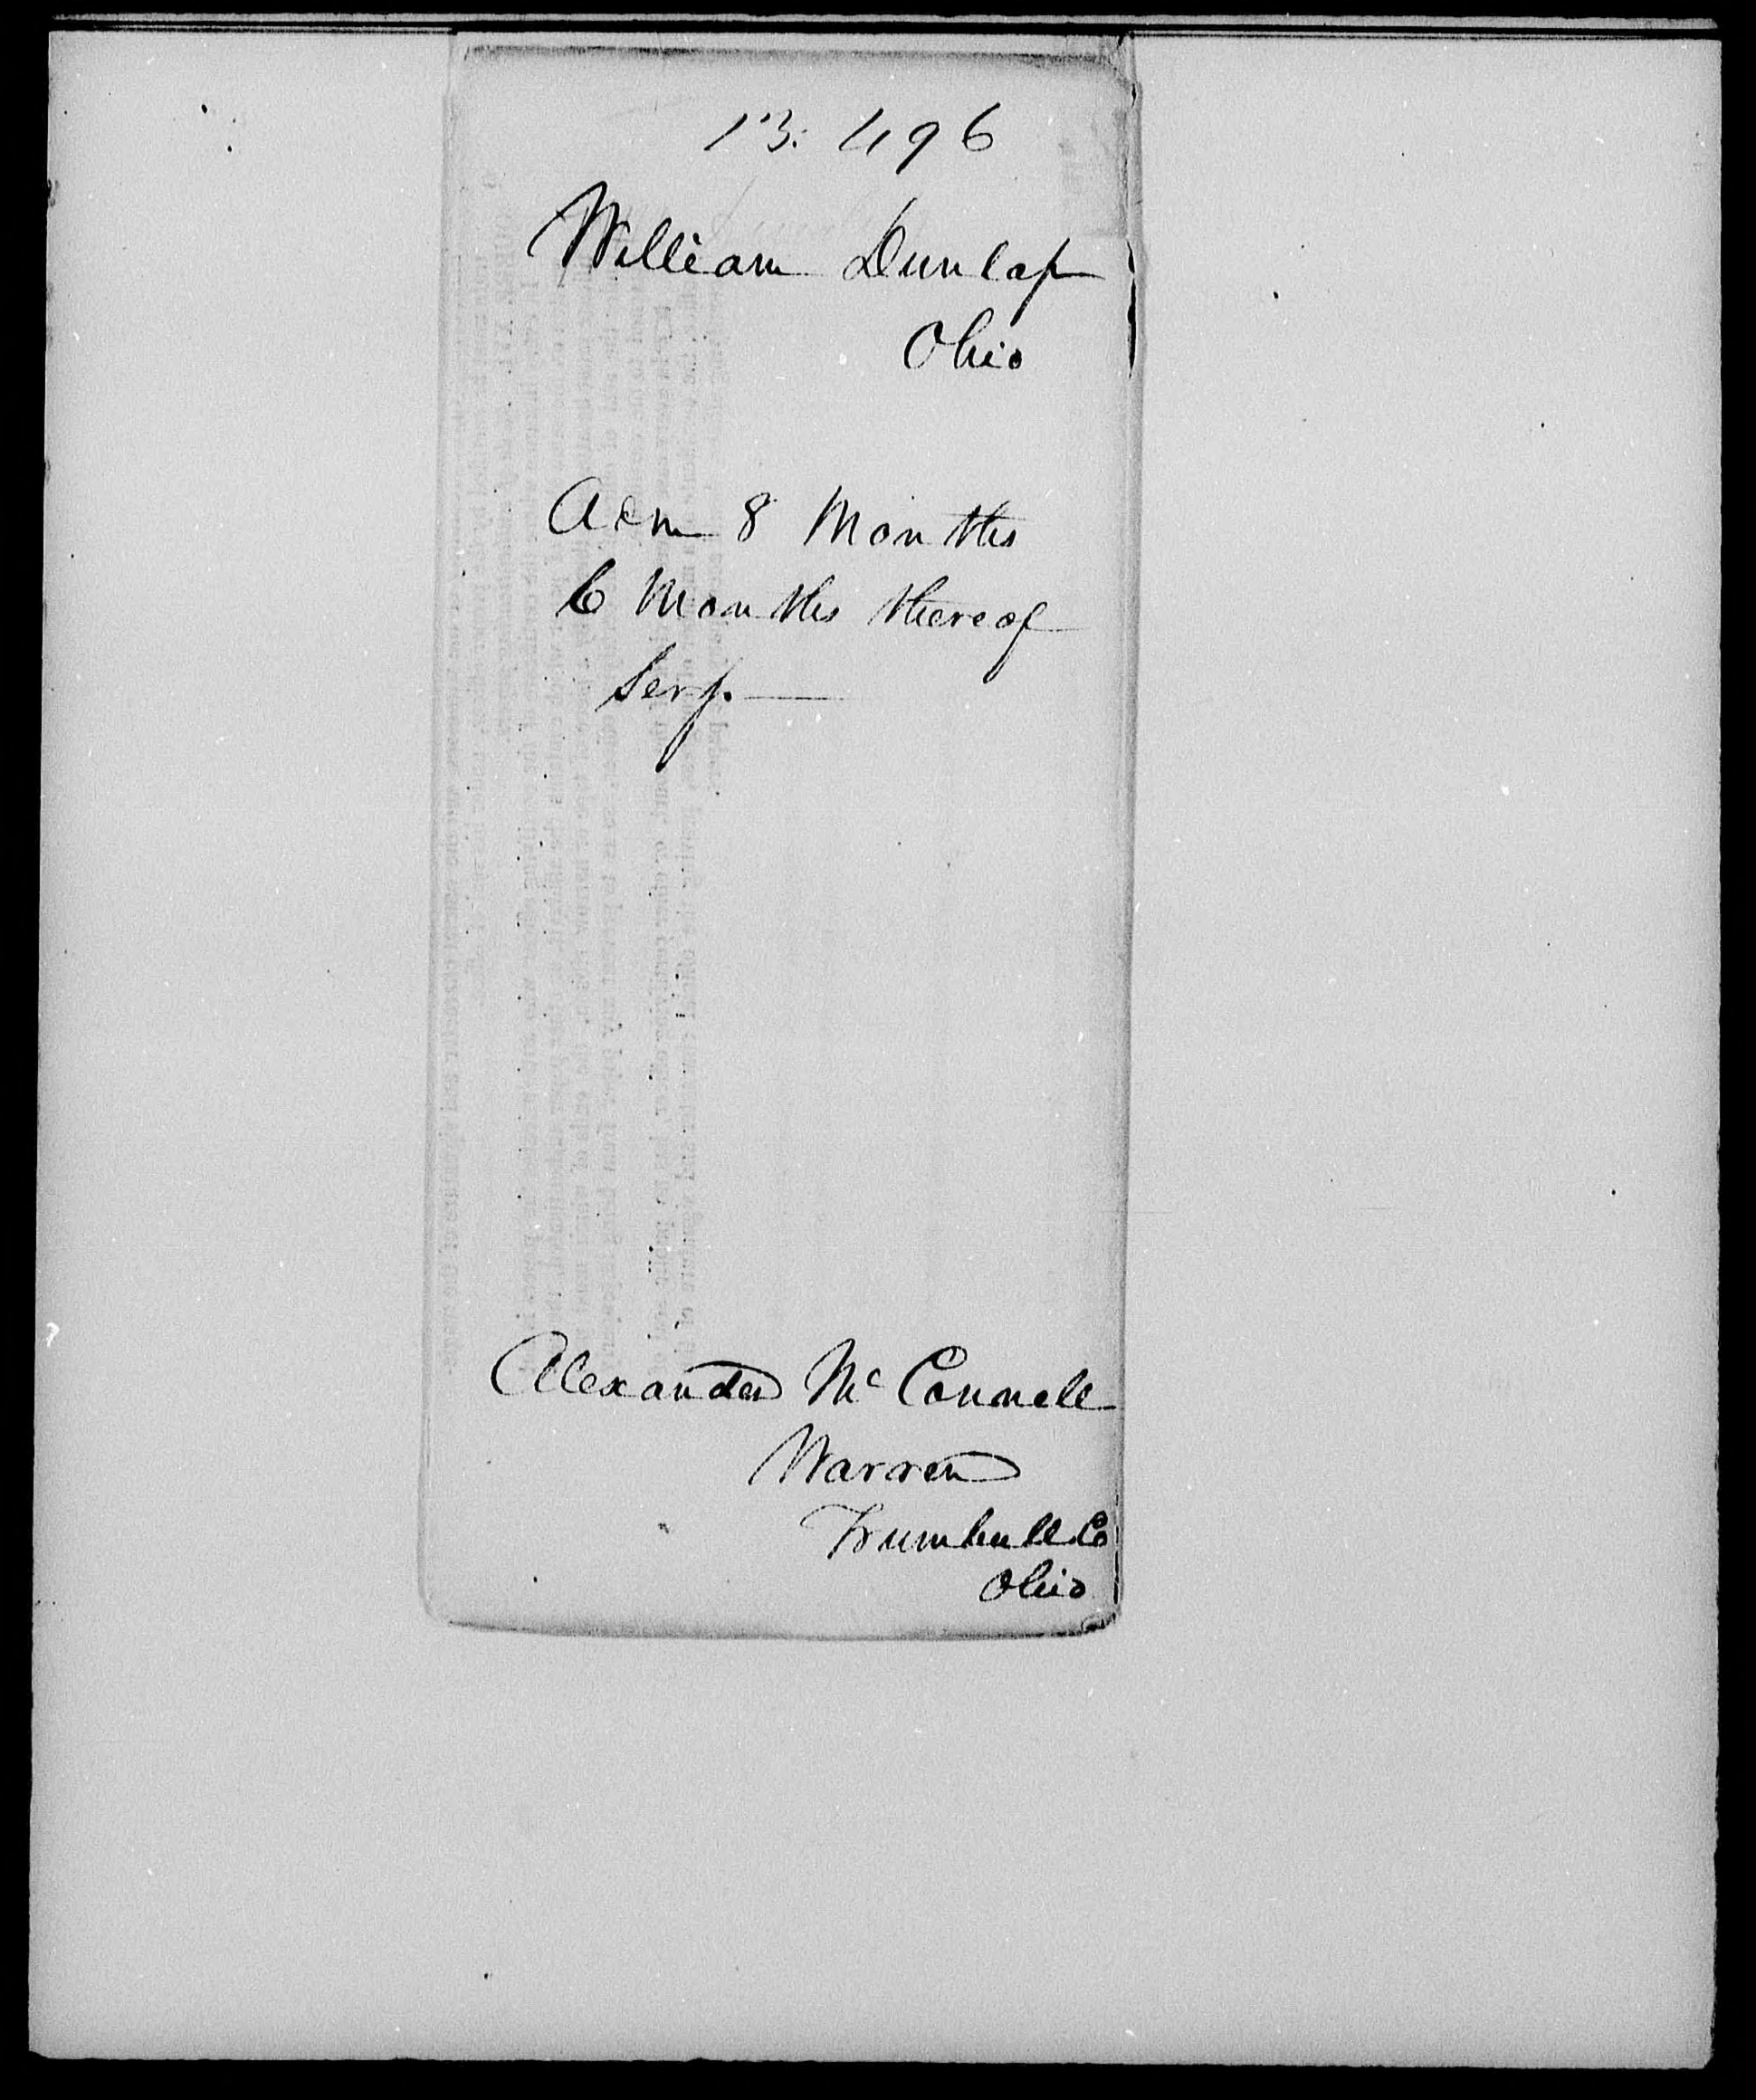[All Handwritten]
13:496
William Dunlap Ohio
Adm 8 Months
6 Months thereof
Serg.

Alexander McConnell
Warren
Trumbull Co Ohio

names: William Dunlap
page: 12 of 24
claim: survivor's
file: S. 15,415, William Dunlap, Penn.